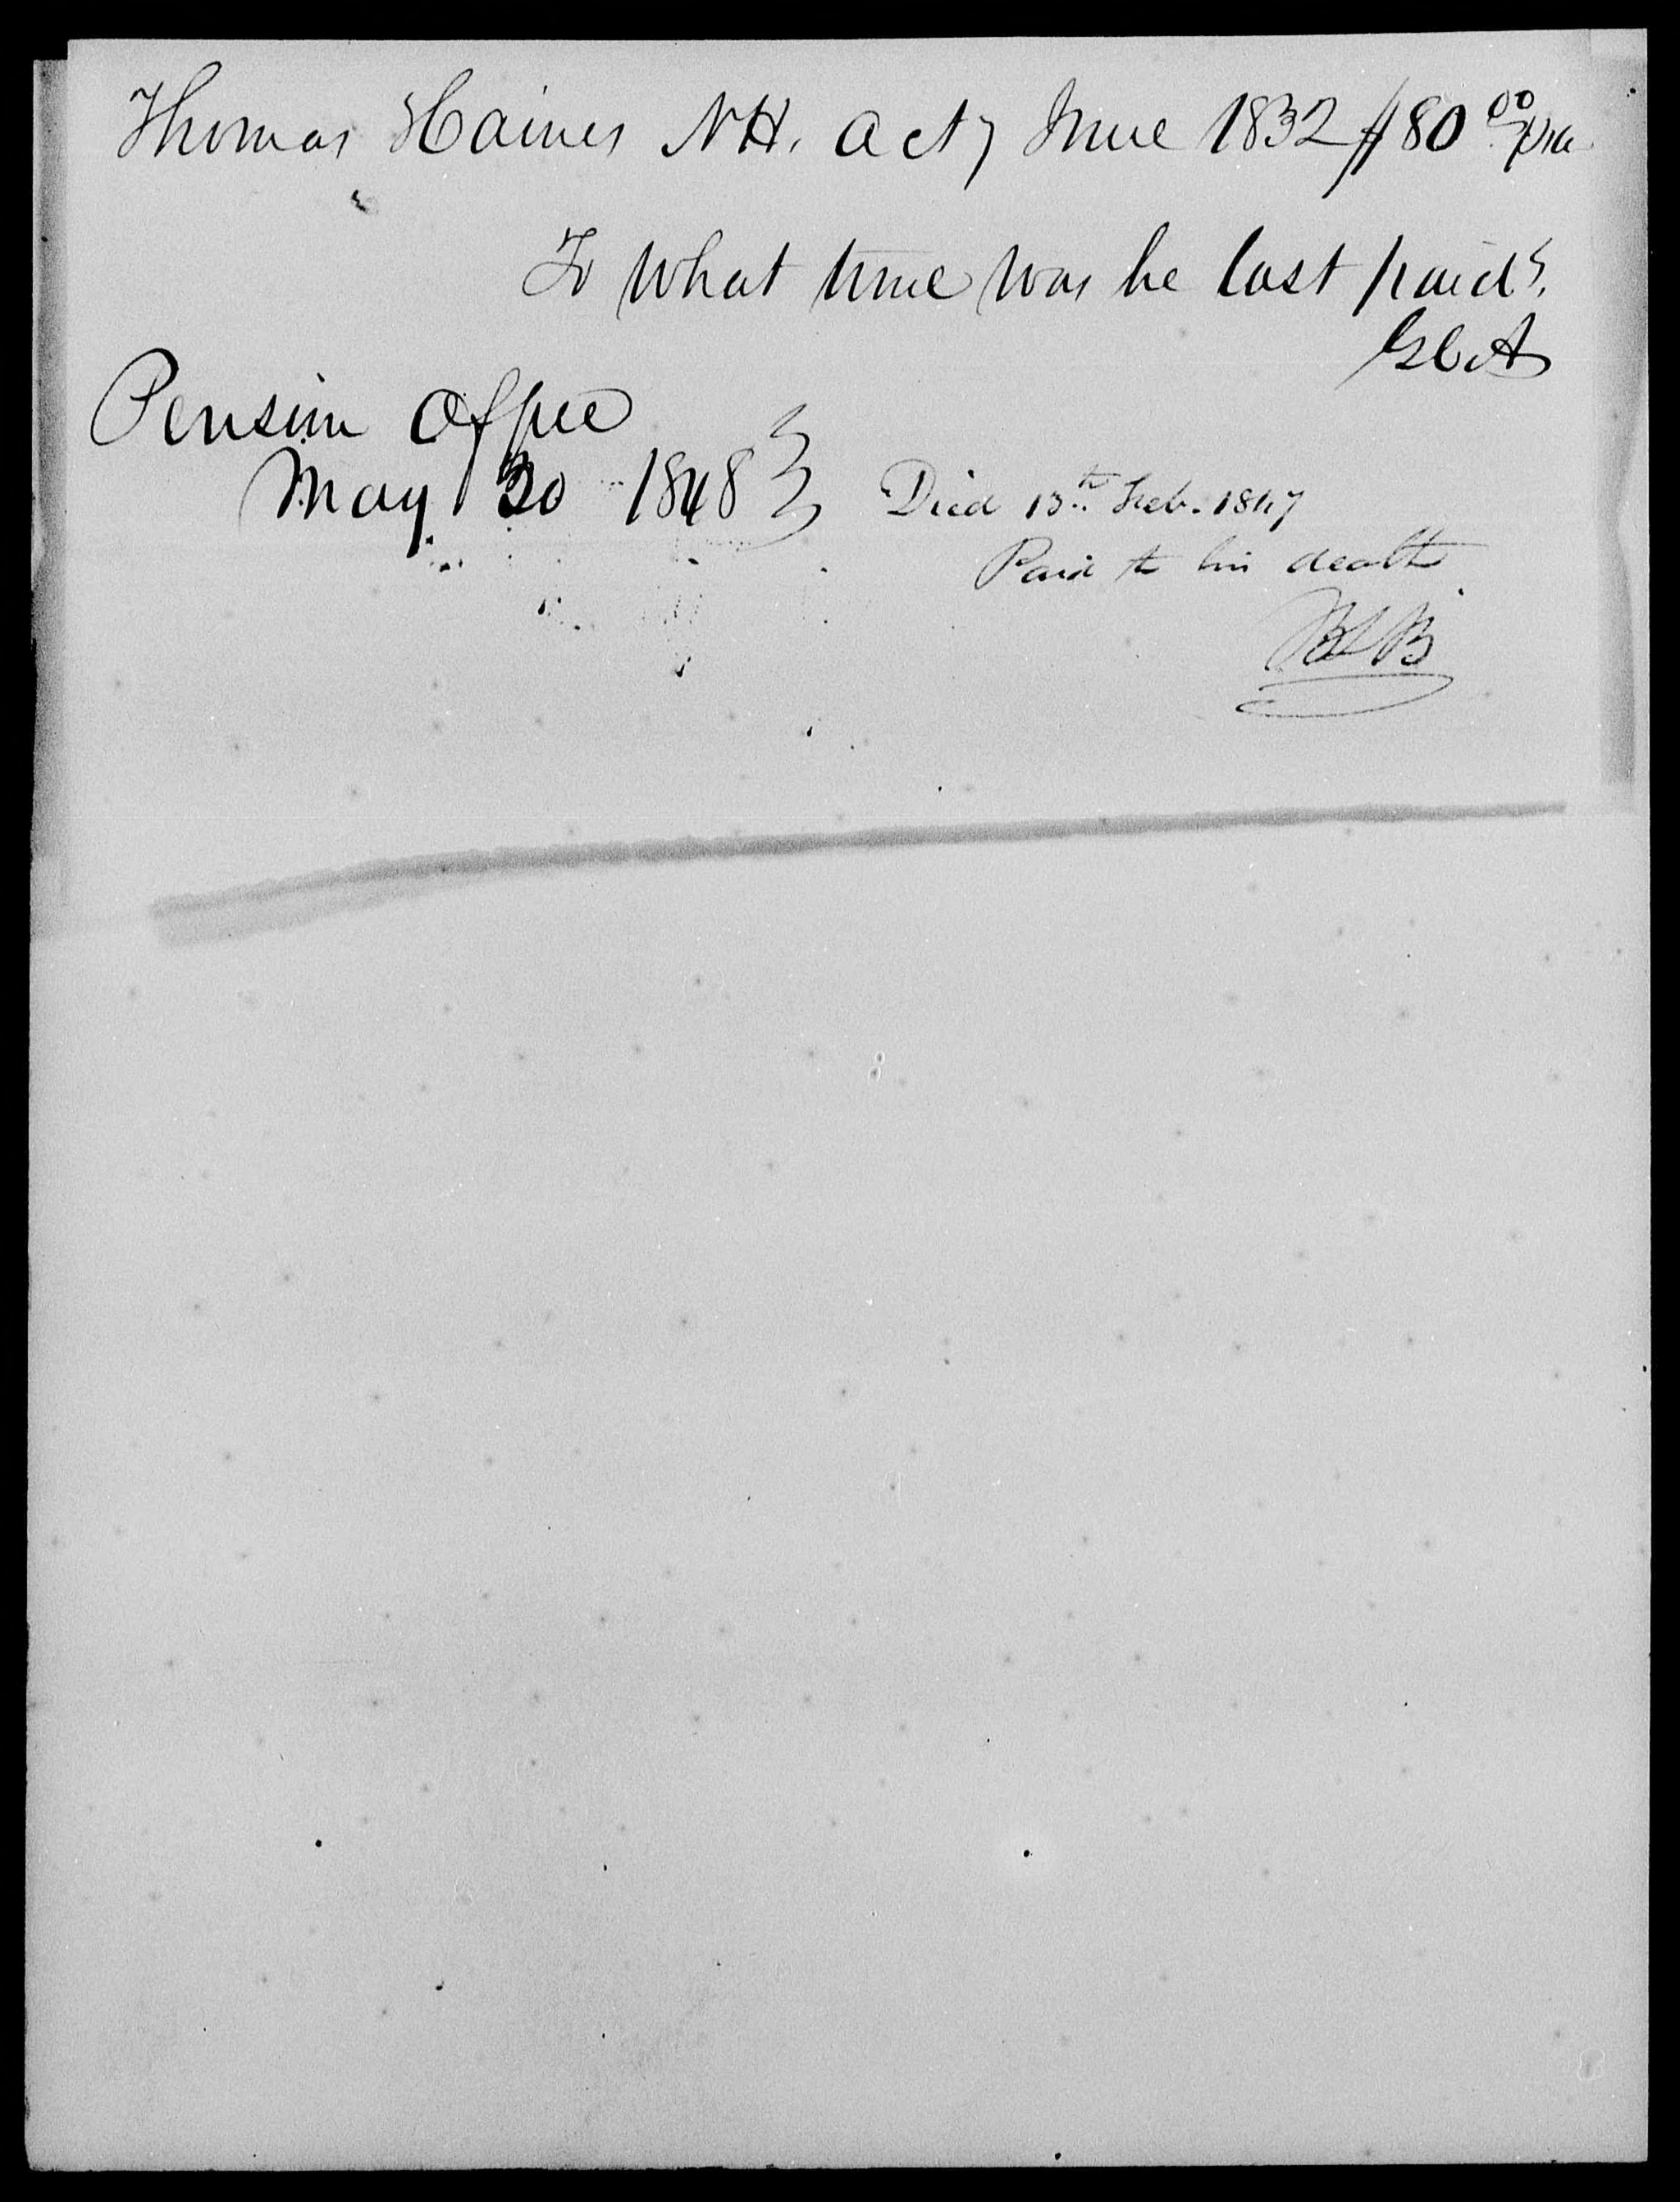Thomas Haines NH. Act of June 1832 $80.00 pa
To what time was he last paid?
GCA

Pension Office
May 20 1848. Died 13th Feb 1847
Paid to his death
[illegible initials}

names: Thomas Haines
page: 20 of 57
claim: widow's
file: W. 23217, Thomas Haines, N H